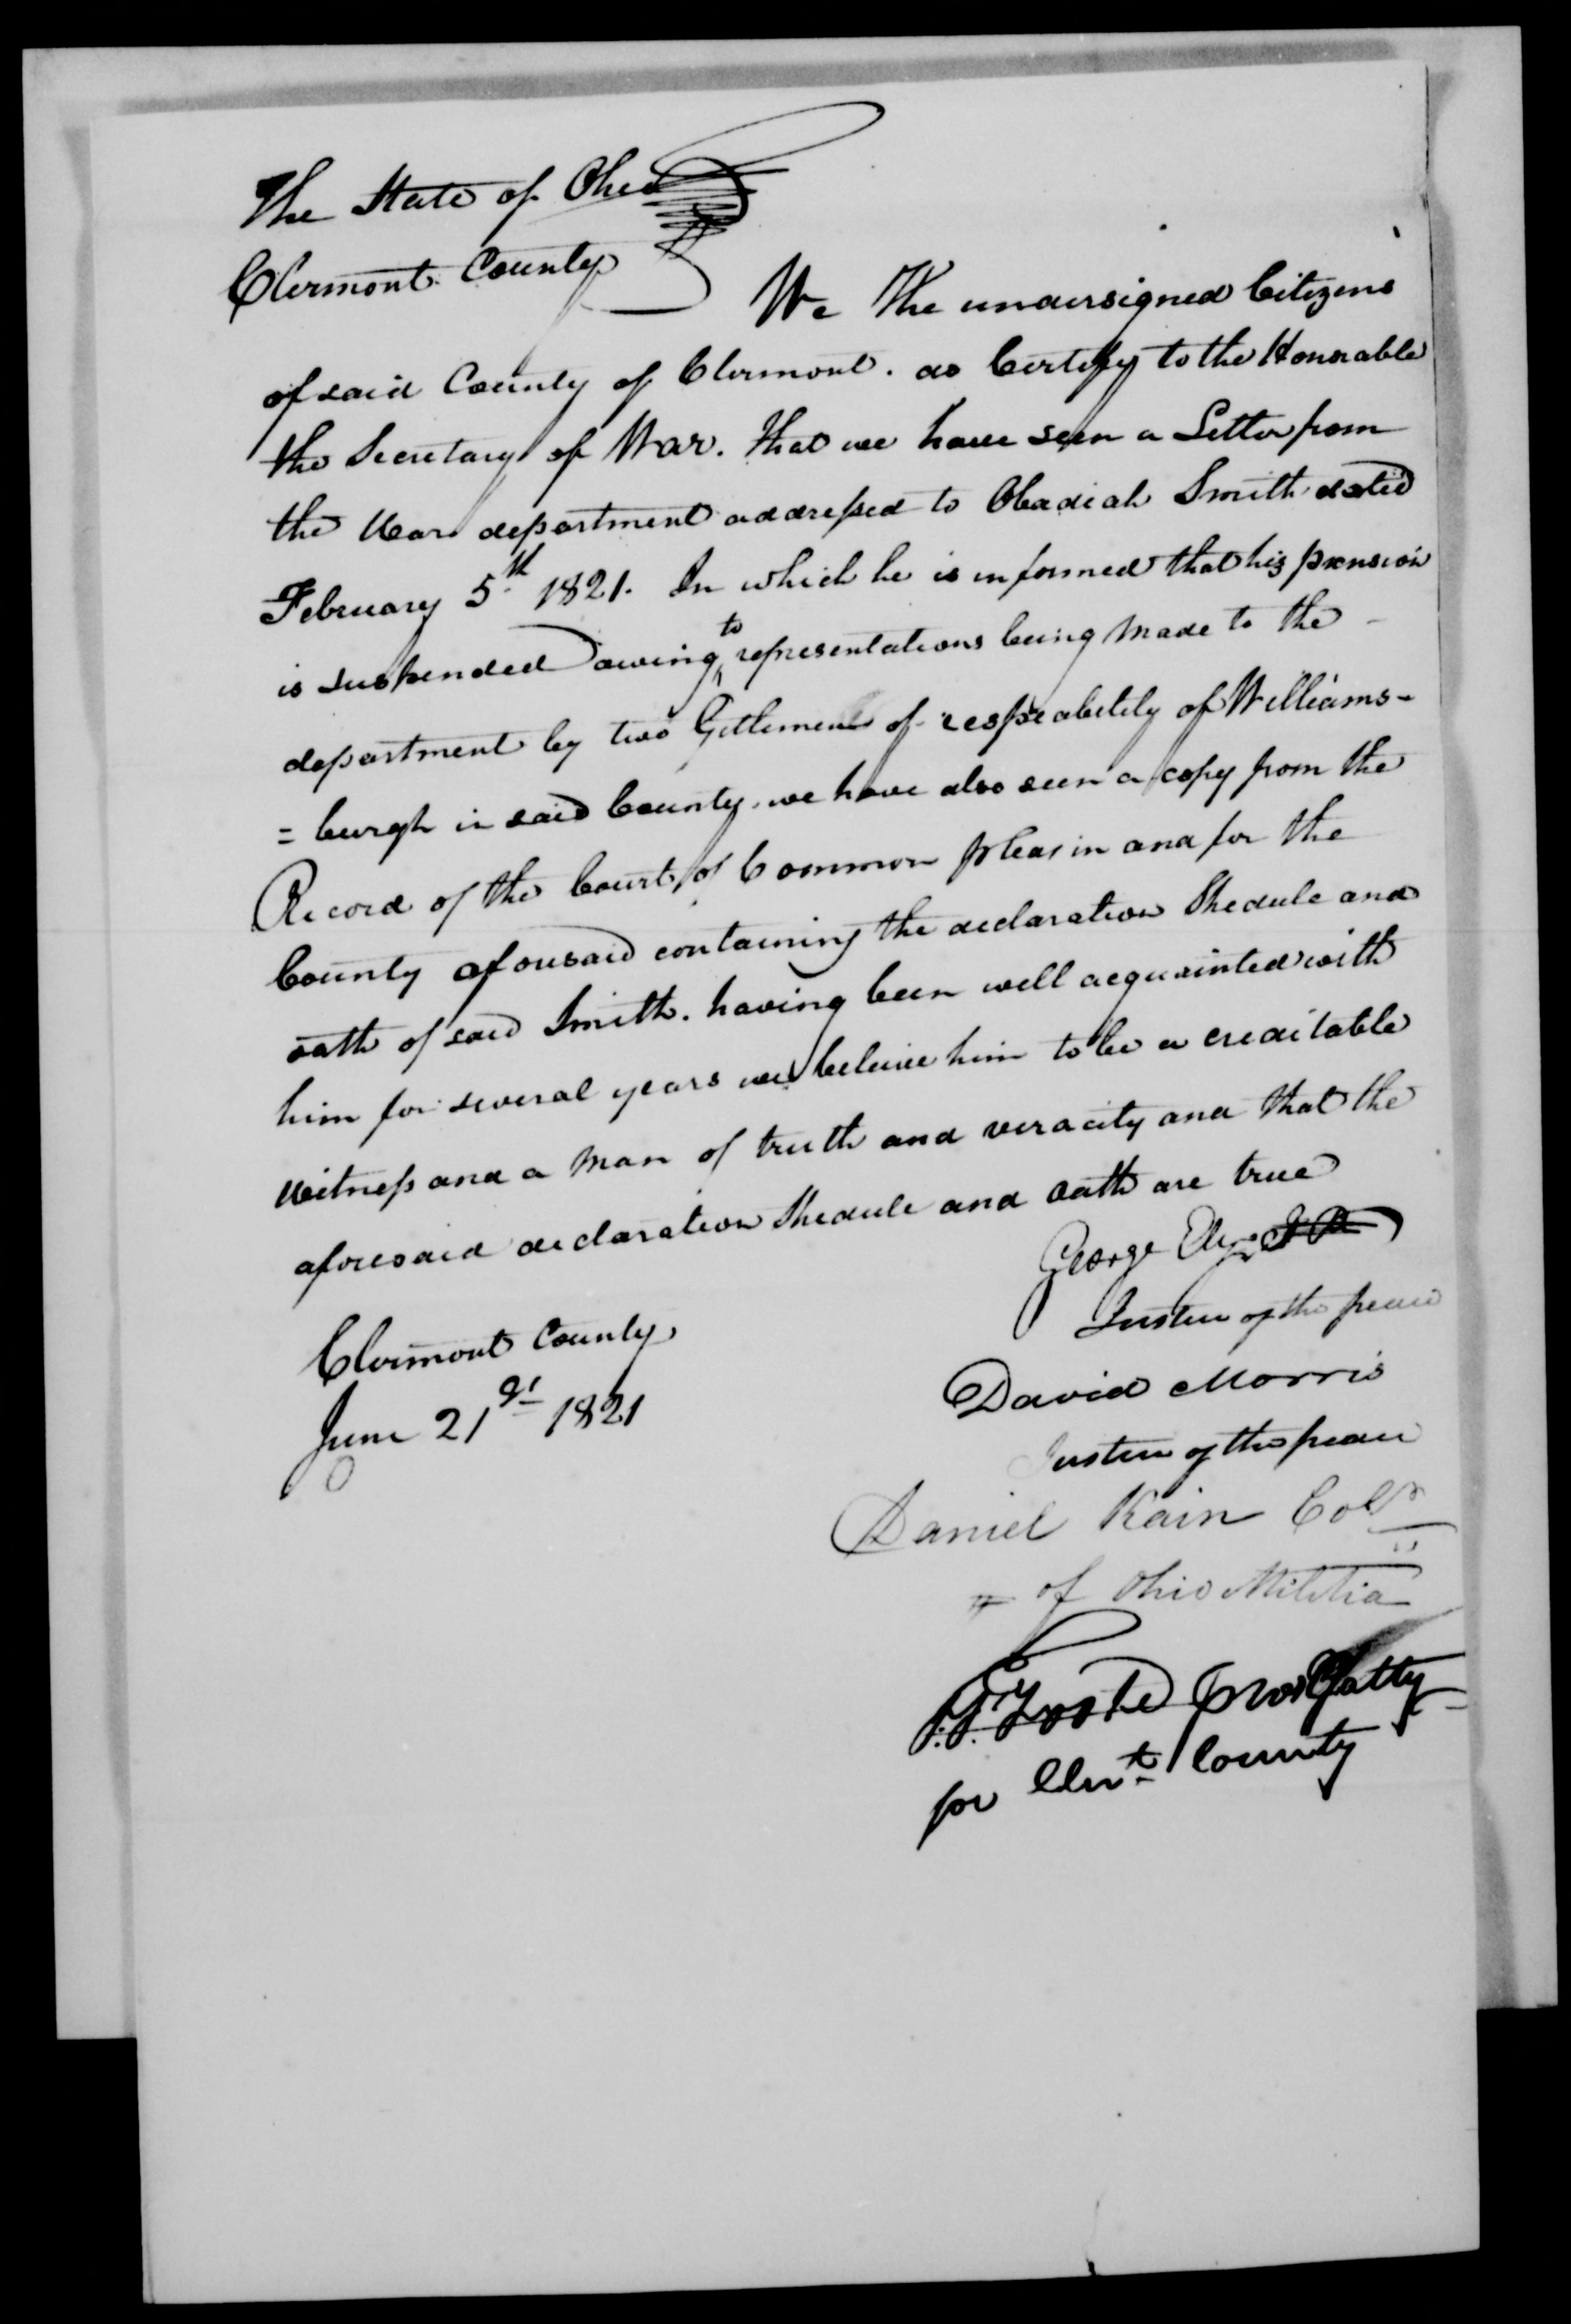The State of Ohio Clermont County } We The undersigned Citizens of said County of Clermont do Certify to the Honorable the Secretary of War. that we have seen a Letter from the War department addressed to Obadiah Smith dated February 5th 1821 In which he is informed that his pension is suspended owing to representations being made to the department by two Gentlemen of respectability of Williamsburgh in said County we have also seen a copy from the Record of the Court of Common Pleas in and for the County aforesaid containing the declaration Shedule [schedule] and oath of said Smith. having been well acquainted with him for several years and believe him to be a creditable witness and a man of truth and veracity and that the aforesaid declaration Shedule and oath are true Clermont County June 21st 1821 [signature:] George Ely ["J P" is crossed out] Justice of the Peace  for Clert. County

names: T S Foote; Obadiah Smith; George Ely; [BLANK] Smith; Daniel Kain; David Morris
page: 63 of 66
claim: survivor's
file: S 40458, for Obadiah Smith, New York